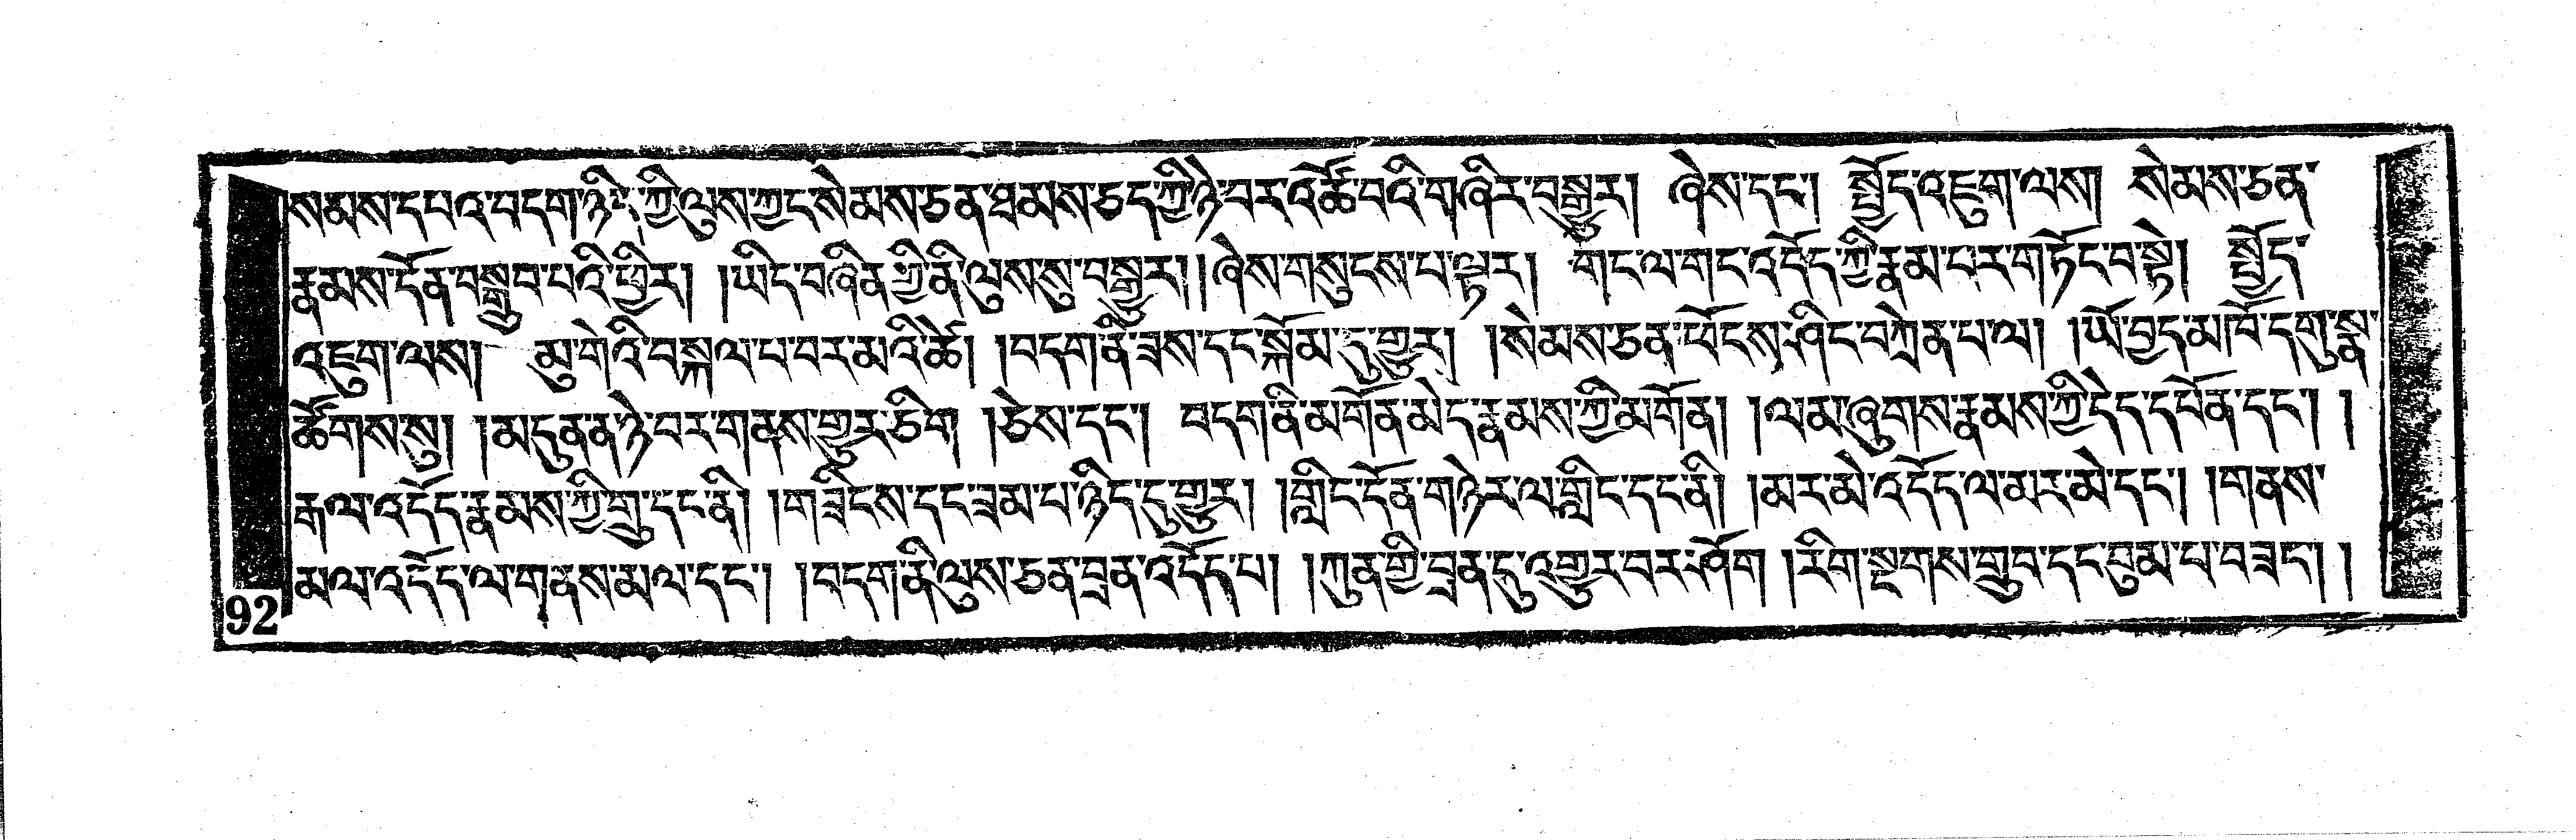སེམས་དཔའ་བདག་ཉིད་ཀྱི་ལུས་ཀྱང་སེམས་ཅན་ཐམས་ཅད་ཀྱི་ཉེ་བར་འཚོ་བའི་གཞིར་བསྒྱུར། ཞེས་དང་། སྤྱོད་འཇུག་ལས། སེམས་ཅན་
རྣམས་དོན་བསྒྲུབ་པའི་ཕྱིར། །ཡིད་བཞིན་གྱི་ནི་ལུས་སུ་བསྒྱུར། །ཞེས་གསུངས་པ་ལྟར། གང་ལ་གང་འདོད་ཀྱི་རྣམ་པར་གཏོང་བ་སྟེ། སྤྱོད་
འཇུག་ལས། མུ་གེའི་བསྐལ་པ་བར་མའི་ཚེ། །བདག་ནི་ཟས་དང་སྐོམ་དུ་གྱུར། །སེམས་ཅན་ཕོངས་ཤིང་བཀྲེན་པ་ལ། །ཡོ་བྱད་མཁོ་དགུ་སྣ་
ཚོགས་སུ། །མདུན་ན་ཉེ་བར་གནས་གྱུར་ཅིག །ཅེས་དང་། བདག་ནི་མགོན་མེད་རྣམས་ཀྱི་མགོན། །ལམ་ཞུགས་རྣམས་ཀྱི་དེད་དཔོན་དང་། །
རྒལ་འདོད་རྣམས་ཀྱི་གྲུ་དང་ནི། །གཟིགས་དང་ཟམ་པ་ཉིད་དུ་གྱུར། །གླིང་དོན་གཉེར་ལ་གླིང་དང་ནི། །མར་མེ་འདོད་ལ་མར་མེ་དང་། །གནས་
མལ་འདོད་ལ་གནས་མལ་དང་། །བདག་ནི་ལུས་ཅན་བྲན་འདོད་པ། །ཀུན་གྱི་བྲན་དུ་འགྱུར་བར་ཤོག །རིག་སྔགས་གྲུབ་དང་བུམ་པ་བཟང་། །